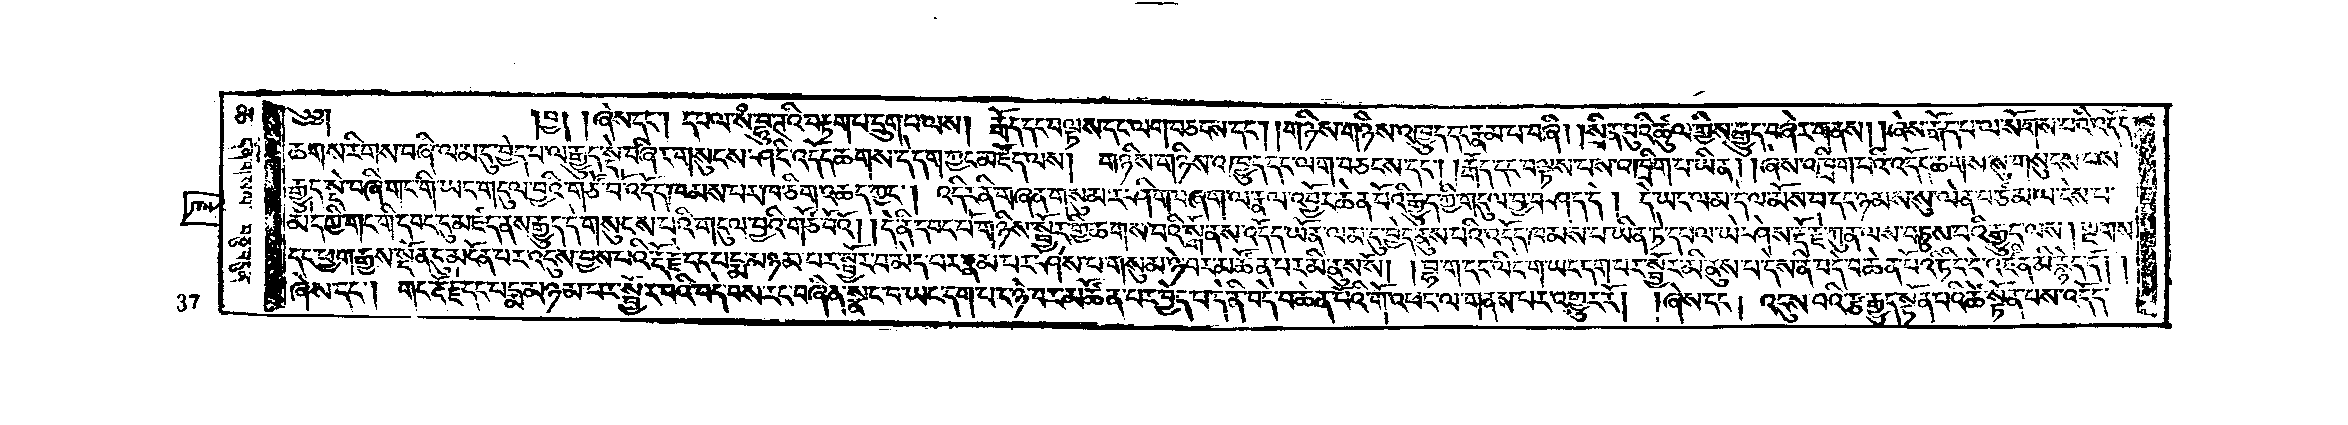༄༅། །བྱ། །ཞེས་དང་། དཔལ་སཾ་བྷུ་ཊའི་བརྟག་པ་དྲུག་པ་ལས། རྒོད་དང་བལྟས་དང་ལག་བཅངས་དང་། །གཉིས་གཉིས་འཁྱུད་དང་རྣམ་པ་བཞི། །སྲིན་བུའི་ཚུལ་གྱིས་རྒྱུད་བཞིར་གནས། །ཞེས་རྒོད་པ་ལ་སོགས་པའི་འདོད་
ཆགས་རིགས་བཞི་ལམ་དུ་བྱེད་པ་ལ་རྒྱུད་སྡེ་བཞིར་གསུངས་ཤིང་འདོད་ཆགས་དེ་དག་ཀྱང་མཛོད་ལས། གཉིས་གཉིས་འཁྱུད་དང་ལག་བཅངས་དང་། །རྒོད་དང་བལྟས་པས་འཁྲིག་པ་ཡིན། །ཞེས་འཁྲིག་པའི་འདོད་ཆགས་སུ་གསུངས་པས་
རྒྱུད་སྡེ་བཞི་གང་གི་ཡང་གདུལ་བྱའི་གཙོ་བོ་འདོད་ཁམས་པར་ཁ་ཅིག་འཆད་ཀྱང་། འདིར་ནི་གཞན་གསུམ་རེ་ཤིག་བཞག་ལ་རྣལ་འབྱོར་ཆེན་པོའི་རྒྱུད་ཀྱི་གདུལ་བྱ་བཤད་དེ། དེ་ཡང་ལམ་དེ་ལ་མོས་པ་དང་ཉམས་སུ་ལེན་པ་ཙམ་ལ་ངེས་པ་
མེད་ཀྱི་གང་གི་དབང་དུ་མཛད་ནས་རྒྱུད་དེ་གསུངས་པའི་གདུལ་བྱའི་གཙོ་བོའོ། །དེ་ནི་དབང་པོ་གཉིས་སྦྱོར་གྱི་ཆགས་པའི་སྒོ་ནས་འདོད་ཡོན་ལམ་དུ་བྱེད་ནུས་པའི་འདོད་ཁམས་པ་ཡིན་ཏེ་དཔལ་ཡེ་ཤེས་རྡོ་རྗེ་ཀུན་ལས་བཏུས་པའི་རྒྱུད་ལས། སྔགས་
དང་ཕྱག་རྒྱས་སྔོན་དུ་མངོན་པར་འདུས་བྱས་པའི་རྡོ་རྗེ་དང་པདམ་མཉམ་པར་སྦྱོར་བ་མེད་པར་རྣམ་པར་ཤེས་པ་གསུམ་ཉེ་བར་མཚོན་པར་མི་ནུས་སོ། །བྷ་ག་དང་ལིང་ག་ཡང་དག་པར་སྦྱོར་མི་ནུས་པ་དེས་ནི་བདེ་བ་ཆེན་པོའི་ཏིང་ངེ་འཛིན་མི་རྙེད་དོ། །
ཞེས་དང་། གང་རྡོ་རྗེ་དང་པདམ་མཉམ་པར་སྦྱོར་བའི་བདེ་བས་རང་བཞིན་སྣང་བ་ཡང་དག་པར་ཉེ་བར་མཚོན་པར་བྱེད་པ་དེ་ནི་བདེ་བ་ཆེན་པོའི་གོ་འཕང་ལ་གནས་པར་འགྱུར་རོ། །ཞེས་དང་། འདུས་པའི་རྩ་རྒྱུད་སྟོན་པའི་ཚེ་སྟོན་པས་འདོད་